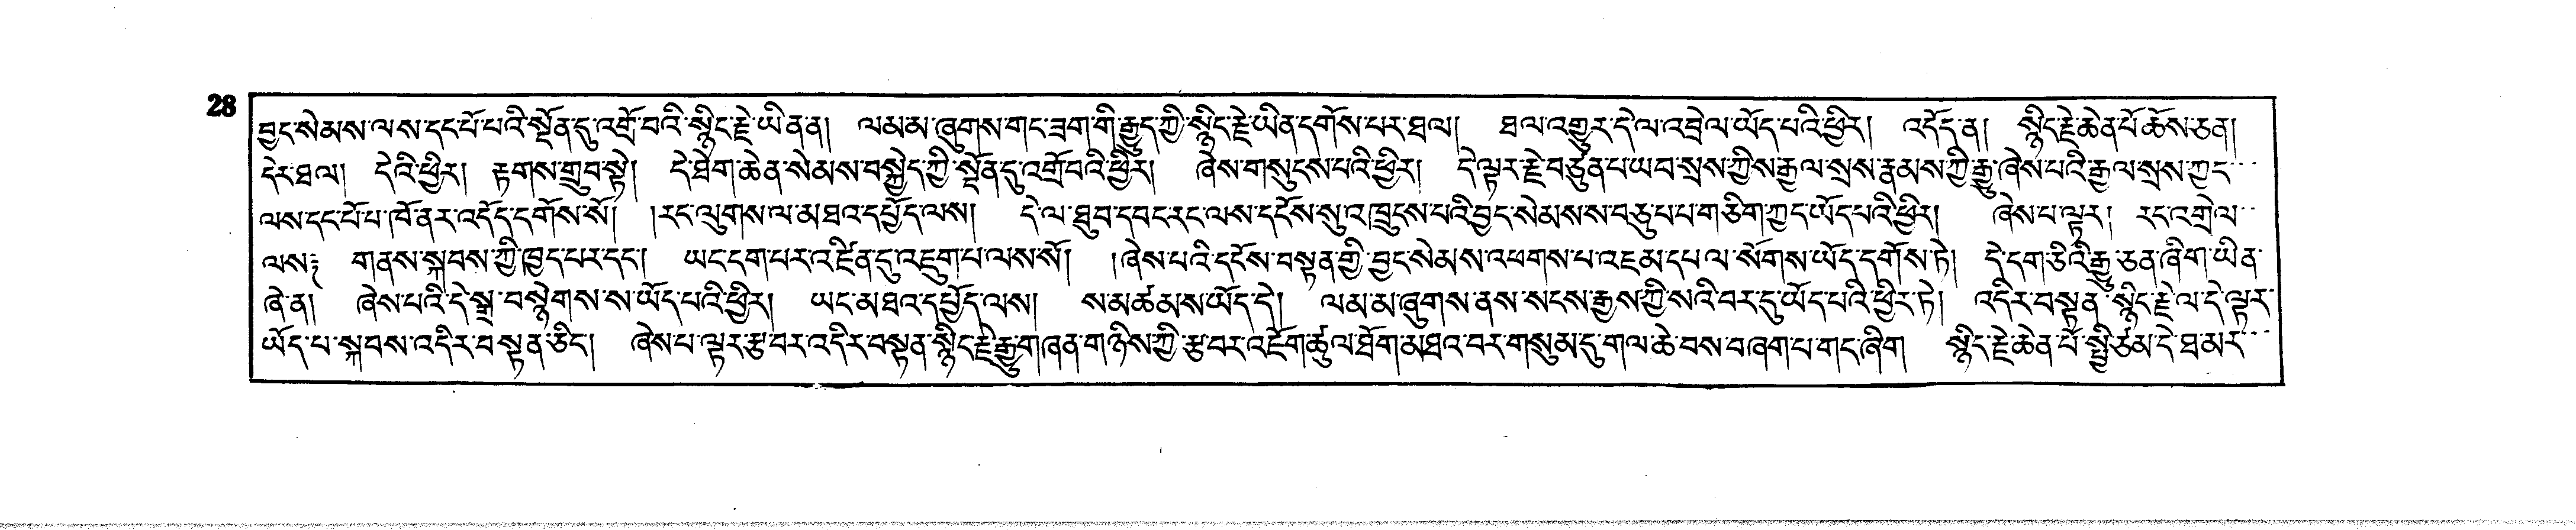བྱང་སེམས་ལས་དང་པོ་པའི་སྔོན་དུ་འགྲོ་བའི་སྙིང་རྗེ་ཡིན་ན། ལམ་མ་ཞུགས་གང་ཟག་གི་རྒྱུད་ཀྱི་སྙིང་རྗེ་ཡིན་དགོས་པར་ཐལ། ཐལ་འགྱུར་དེ་ལ་འབྲེལ་ཡོད་པའི་ཕྱིར། འདོད་ན། སྙིང་རྗེ་ཆེན་པོ་ཆོས་ཅན།
དེར་ཐལ། དེའི་ཕྱིར། རྟགས་གྲུབ་སྟེ། དེ་ཐེག་ཆེན་སེམས་བསྐྱེད་ཀྱི་སྔོན་དུ་འགྲོ་བའི་ཕྱིར། ཞེས་གསུངས་པའི་ཕྱིར། དེ་ལྟར་རྗེ་བཙུན་པ་ཡབ་སྲས་ཀྱིས་རྒྱལ་སྲས་རྣམས་ཀྱི་རྒྱུ་ཞེས་པའི་རྒྱལ་སྲས་ཀྱང་
ལས་དང་པོ་པ་ཁོ་ནར་འདོད་དགོས་སོ། །རང་ལུགས་ལ་མཐའ་དཔྱོད་ལས། དེ་ལ་ཐུབ་དབང་རང་ལས་དངོས་སུ་འཁྲུངས་པའི་བྱང་སེམས་བཅུ་པ་བ་གཅིག་ཀྱང་ཡོད་པའི་ཕྱིར། ཞེས་པ་ལྟར། རང་འགྲེལ་
ལས། གནས་སྐབས་ཀྱི་ཁྱད་པར་དང་། ཡང་དག་པར་འཛིན་དུ་འཇུག་པ་ལས་སོ། །ཞེས་པའི་དངོས་བསྟན་གྱི་བྱང་སེམས་འཕགས་པ་འཇམ་དཔལ་སོགས་ཡོད་དགོས་ཏེ། དེ་དག་ཅིའི་རྒྱུ་ཅན་ཞིག་ཡིན་
ཞེ་ན། ཞེས་པའི་དེ་སྒྲ་བསྙེགས་པ་ཡོད་པའི་ཕྱིར། ཡང་མཐའ་དཔྱོད་ལས། ས་མཚམས་ཡོད་དེ། ལམ་མ་ཞུགས་ནས་སངས་རྒྱས་ཀྱི་སའི་བར་དུ་ཡོད་པའི་ཕྱིར་ཏེ། འདིར་བསྟན་སྙིང་རྗེ་ལ་དེ་ལྟར་
ཡོད་པ་སྐབས་འདིར་བསྟན་ཅིང་། ཞེས་པ་ལྟར་རྩ་བར་འདིར་བསྟན་སྙིང་རྗེ་རྒྱུ་གཞན་གཉིས་ཀྱི་རྩ་བར་འཇོག་ཚུལ་ཐོག་མཐའ་བར་གསུམ་དུ་གལ་ཆེ་བས་བཞག་པ་གང་ཞིག །སྙིང་རྗེ་ཆེན་པོ་སྤྱི་ཙམ་དེ་ཐ་མར་